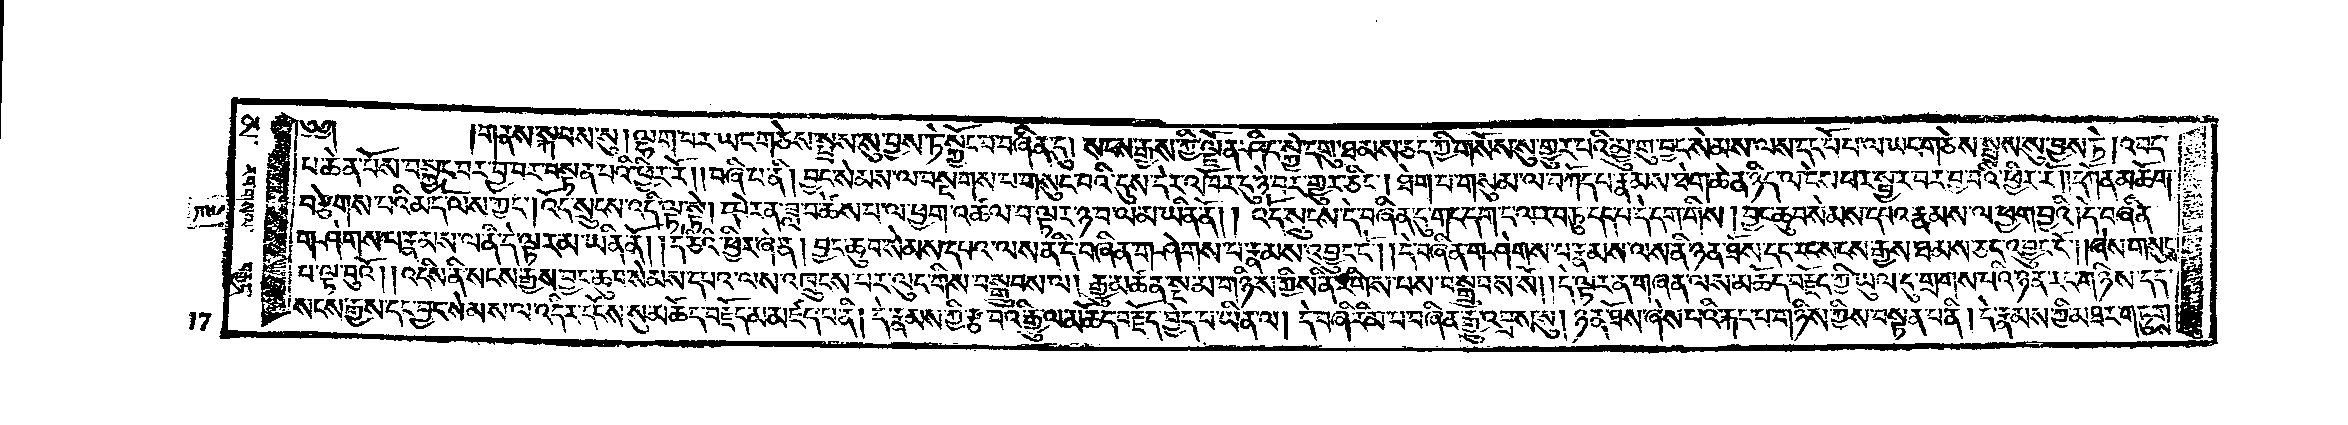༄༅། །གནས་སྐབས་སུ། ལྷག་པར་ཡང་གཅེས་སྤྲས་སུ་བྱས་ཏེ་སྐྱོང་བ་བཞིན་དུ། སངས་རྒྱས་ཀྱི་ལྗོན་ཤིང་སྐྱེ་དགུ་ཐམས་ཅད་ཀྱི་གསོས་སུ་གྱུར་པའི་མྱུ་གུ་བྱང་སེམས་ལས་དང་པོ་པ་ལ་ཡང་གཅེས་སྤྲས་སུ་བྱས་ཏེ། འབད་
པ་ཆེན་པོས་བསྐྱང་བར་བྱ་བར་བསྟན་པའི་ཕྱིར་རོ། །བཞི་པ་ནི། བྱང་སེམས་ལ་བསྔགས་པ་གསུང་བའི་དུས་དེར་འཁོར་དུ་ཉེ་བར་གྱུར་ཅིང་། ཐེག་པ་གསུམ་ལ་བཀོད་པ་རྣམས་ཐེག་ཆེན་ཉིད་ལ་ངེས་པར་སྦྱར་བར་བྱ་བའི་ཕྱིར་རོ། །དཀོན་མཆོག་
བརྩེགས་པའི་མདོ་ལས་ཀྱང་། འོད་སྲུངས་འདི་ལྟ་སྟེ། དཔེར་ན་ཟླ་བ་ཚེས་པ་ལ་ཕྱག་འཚལ་བ་ལྟར་ཉ་བ་ལ་མ་ཡིན་ནོ། །འོད་སྲུངས་དེ་བཞིན་དུ་གང་དག་ང་ལ་རབ་ཏུ་དད་པ་དེ་དག་གིས། བྱང་ཆུབ་སེམས་དཔའ་རྣམས་ལ་ཕྱག་བྱའི། དེ་བཞིན་
གཤེགས་པ་རྣམས་ལ་ནི་དེ་ལྟར་མ་ཡིན་ནོ། །དེ་ཅིའི་ཕྱིར་ཞེ་ན། བྱང་ཆུབ་སེམས་དཔའ་ལས་ནི་དེ་བཞིན་གཤེགས་པ་རྣམས་འབྱུང་ངོ། །དེ་བཞིན་གཤེགས་པ་རྣམས་ལས་ནི་ཉན་ཐོས་དང་རང་སངས་རྒྱས་ཐམས་ཅད་འབྱུང་ངོ། །ཞེས་གསུངས་
པ་ལྟ་བུའོ། །འདིས་ནི་སངས་རྒྱས་བྱང་ཆུབ་སེམས་དཔའ་ལས་འཁྲུངས་པར་ལུང་གིས་བསྒྲུབས་ལ། རྒྱུ་མཚན་སྔ་མ་གཉིས་ཀྱིས་ནི་རིགས་པས་བསྒྲུབས་སོ། །དེ་ལྟར་ན་གཞན་ལས་མཆོད་བརྗོད་ཀྱི་ཡུལ་དུ་གྲགས་པའི་ཉན་རང་གཉིས་དང་།
སངས་རྒྱས་དང་བྱང་སེམས་ལ་འདིར་དངོས་སུ་མཆོད་བརྗོད་མ་མཛད་པ་ནི། དེ་རྣམས་ཀྱི་རྩ་བའི་རྒྱུ་ལ་མཆོད་བརྗོད་བྱེད་པ་ཡིན་ལ། དེ་བཞི་རིམ་པ་བཞིན་རྒྱུ་འབྲས་སུ། ཉན་ཐོས་ཞེས་པའི་རྐང་པ་གཉིས་ཀྱིས་བསྟན་པ་ནི། དེ་རྣམས་ཀྱི་མཐར་གཏུགས་